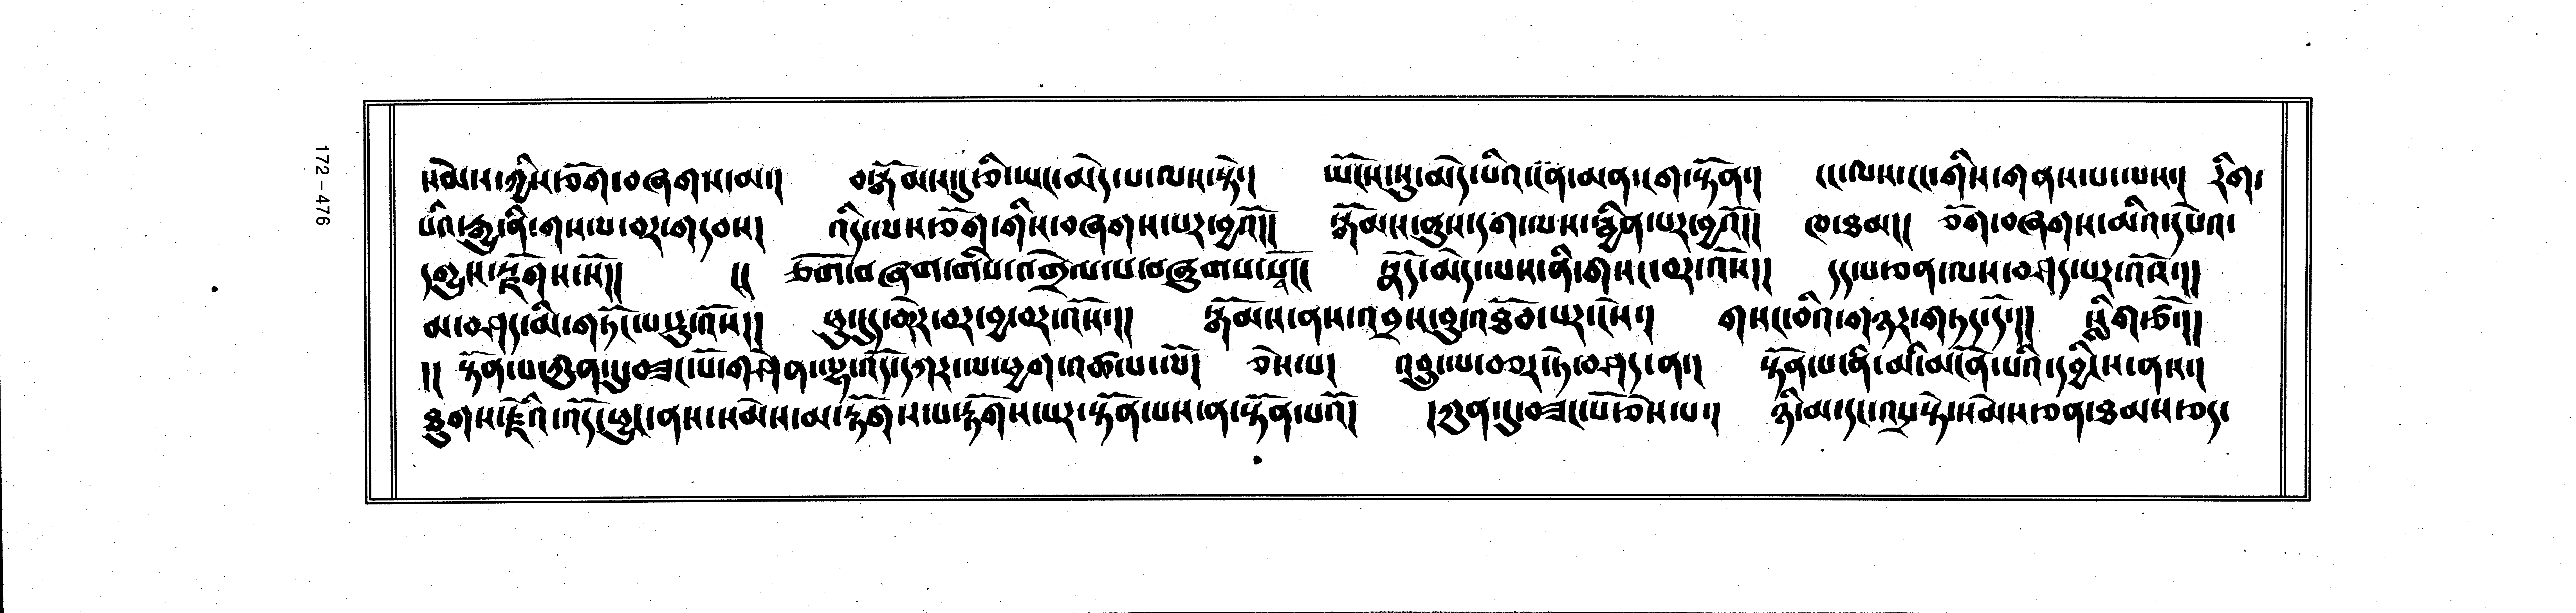སེམས་ཀྱིས་ཅོག་བཞགས་མ། བསྒོམས་དུ་ཅི་ཡང་མེད་པ་ལས་སྟེ། ཡོངས་སུ་མེད་པའི་མན་ངག་སྟོན། ངང་ལས་ངང་གིས་གནས་པ་ལས། རིག་
པའི་རྒྱུ་ནི་གསལ་བར་གདབས། འདི་ལས་ཅོག་གིས་བཞགས་པར་བྱའོ། སྒོམས་ནུས་དག་ལས་སྦྱིན་པར་བྱའོ། ཁ་ཐམ། ཅོག་བཞགས་མའི་དཔེའ་
དགྱུས་རྫོགས་སོ། ཅོག་བཞག་གིས་འགྲེལ་པ་བཞུགས་སྭོ། སྣོད་མེད་ལས་ནི་གསང་བར་འོས། དད་པ་ཆན་ལས་བཤད་པར་འོས། 
མ་བཤད་མི་གཏོང་པ་རུ་འོས། ཕུ་དུད་ཆེར་བར་བྱ་བར་འོས། སྒོམས་ནས་འབྲས་བུ་འཐོབ་པར་ངེས། གསང་བའི་གཉེར་གཏད་དོ། སླིག་ཙོ། 
སྟོན་པ་ཀུན་ཏུ་བཟང་པོ་གཤེན་ལྷ་འོད་དཀར་ལ་ཕྱག་འཚལ་ལོ། ཅེས་པ། འབྲུ་ལ་བཅར་ཏེ་བཤད་ན། སྟོན་པ་ནི་མི་མངོན་པའི་དབྱིངས་ནས། 
ཐུགས་རྗེའི་འོད་ཕྱུང་ནས་སེམས་མ་རྟོགས་པ་རྟོགས་པར་སྟོན་པས་ན་སྟོན་པའོ། ཀུན་ཏུ་བཟང་པོ་ཅེས་པ། ཉི་མ་དང་འདྲ་སྟེ་སེམས་ཅན་ཐམས་ཅད་